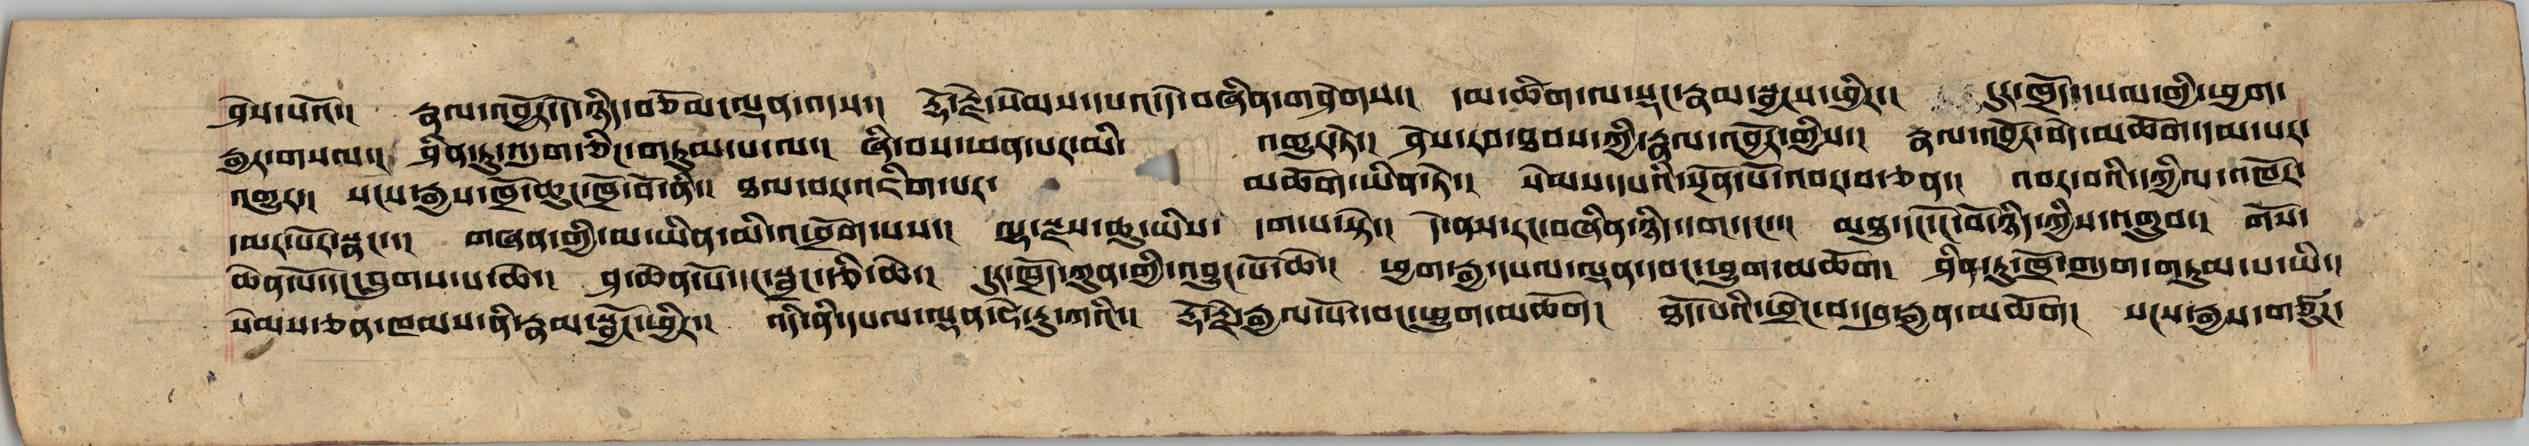ཤེས་པའོ་། རྣལ་འབྱོར་དེ་ཉིད་བཅོམ་ལྡན་འདས་། རྡོ་རྗེ་སེམས་དཔའ་དེ་བཞིན་གཤེགས་། དམ་ཚིག་ལ་སྡང་རྣམ་སྦྱངས་ཕྱིར་། དུར་ཁྲོད་དཔལ་གྱི་ཕྱག་
རྒྱར་གསལ་། ཤིན་ཏུ་འདུག་ཅིང་གཏུམ་པ་ལ་། ཞི་བས་ཕན་པར་མི་ འགྱུར་ཏེ་། ཤེས་རབ་ཐབས་ཀྱི་རྣལ་འབྱོར་གྱིས་། རྣལ་འབྱོར་བདེ་མཆོག་དམ་པར་
འགྱུར་། སངས་རྒྱས་ཁྲོ་ཆུང་ཁྲོ་བོ་ནི་། ཐལ་བར་འཇིག་པར་ མཆོག་ཡིན་ཏེ་། སེམས་དཔའི་སྔོན་པོ་འབར་བ་ཅན་། འབར་བའི་དཀྱིལ་འཁོར་
དམར་པོར་སྣང་་། གཞན་གྱི་མ་ཡིན་མི་འཕྲོག་པས་། ལྷ་སྫས་ཆུ་ཡིས་ དག་པ་སྟེ་། དེ་ནས་རང་བཞིན་ཉིད་དག་དང་་། མཐུ་དང་ངོ་བོ་ཉིད་ཀྱིས་འགྲུབ་། གོས་
ཆེན་པོ་དང་བླུགས་པ་ཆེ་། ཤ་ཆེན་པོ་དང་སྦྲང་རྩི་ཆེ་། དུར་ཁྲོད་ཀུན་གྱི་འབྱུང་པོ་ཆེ་། ཕྱག་རྒྱ་དཔལ་ལྡན་དབང་ཕྱུག་མཆོག། ཤིན་ཏུ་ཁྲོ་གདུག་གཏུམ་པ་ཡིས་
སེམས་ཅན་ཁམས་ནི་རྣམ་སྦྱོང་ཕྱིར་། འདི་ནི་དཔལ་ལྡན་ཧེ་རུ་ཀའི་། རྡོ་རྗེ་རྒྱལ་པོ་དབང་ཕྱུག་མཆོག། ཐོད་པའི་ཕྲེང་བ་དབུ་རྒྱན་མཆོག། སངས་རྒྱས་གཙུཌ